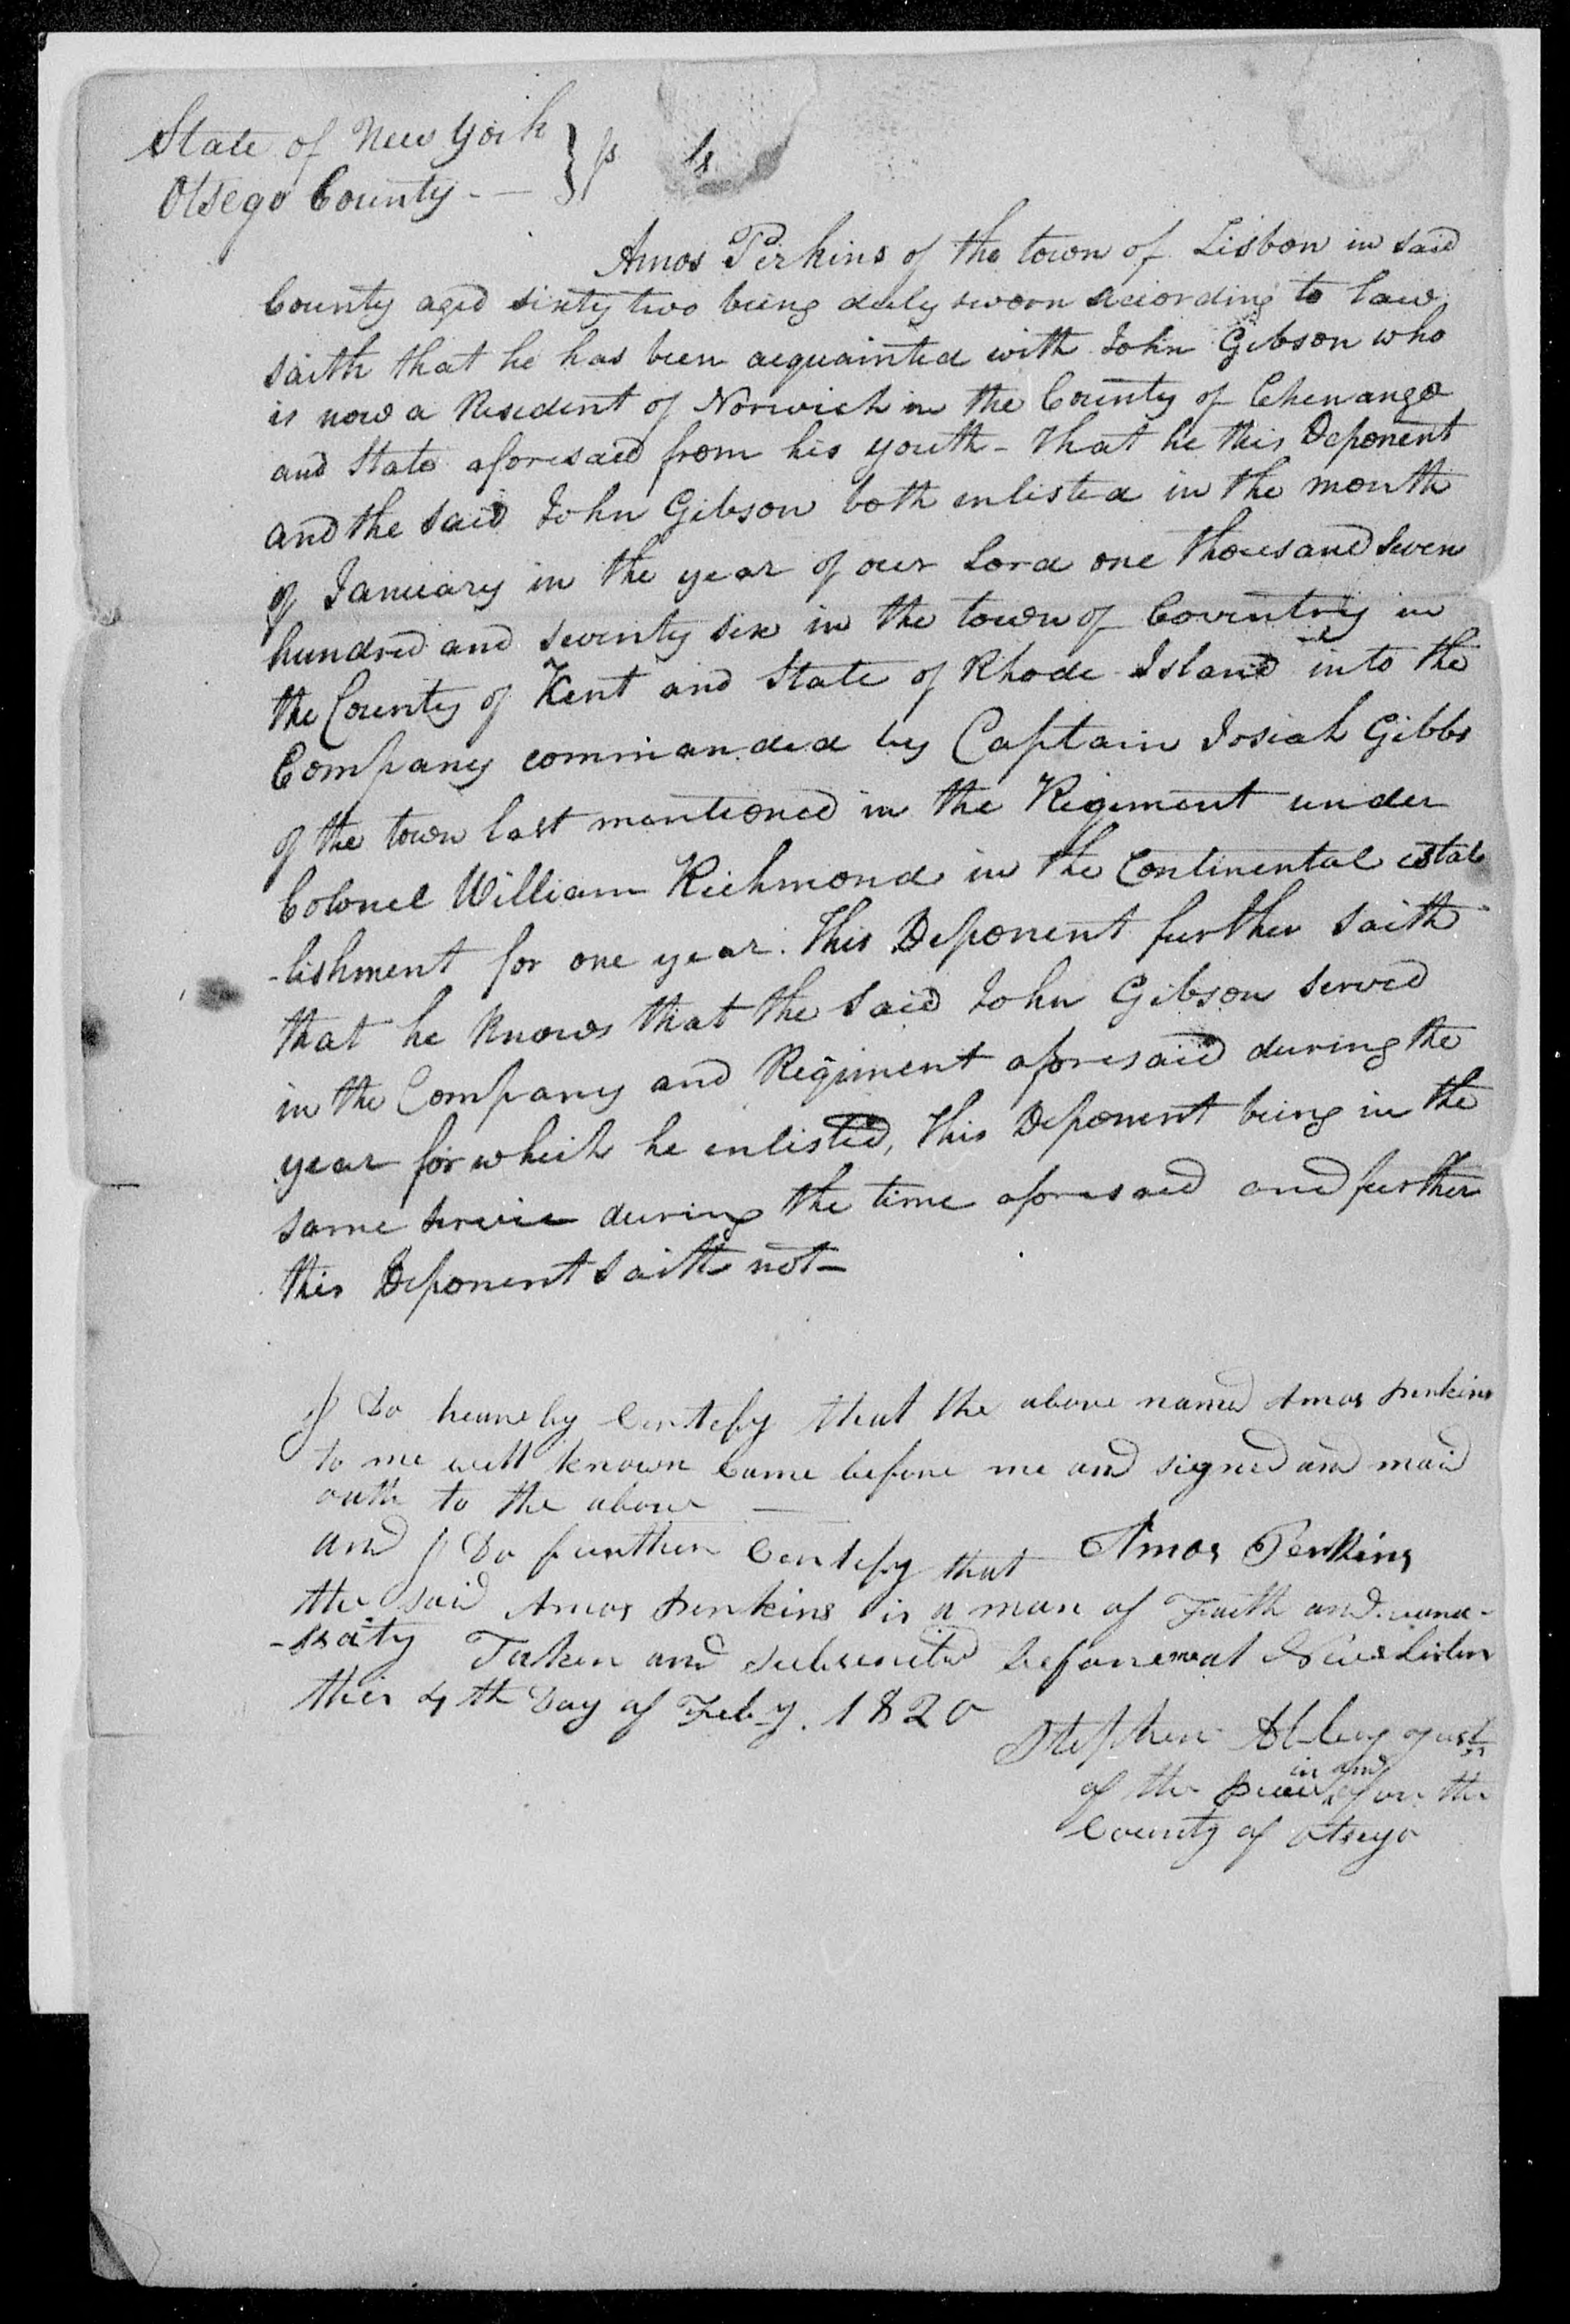State of New York} ss.
Otsego County }

Amos Perkins of the town of Lisbon in said County aged sixty two being duly sworn according to law saith that he has been acquainted with John Gibson who is now a resident of Norwich in the County of Chenango and State of aforesaid from his youth. That he this Deponent and the said John Gibson both enlisted in the month of January in the year of our Lord one thousand seven hundred and seventy six in the town of Coventry in the County of Kent in and State of Rhode Island into the Company commanded by Captain Josiah Gibbs of the town last mentioned in the Regiment under Colonel William Richmond in the Continental Establishment for one year. This Deponent further saith that he knows that the said John Gibson served in the Company and Regiment aforesaid during the year for which he enlisted, this Deponent being in the same service during the time aforesaid and further this Deponent saith not. 

[signed] Amos Perkins

I do hereby certify that the above named Amos Perkins to me well known came before me and signed and maid oath to the above.
And I further certify that the said Amos Perkins is a man of Faith and varasity Taken and subscribed before me at New Lisbon this 4th day of Feb of 1820

Stephen Abbey Just of the Peace in and for the County of Otsego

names: Amos Perkins, John Gibson, Stephen Abbey, Amos Perkins, John Gibson, John Gibson, Josiah Gibbs, Amos Perkins, William Richmond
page: 17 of 32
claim: survivor's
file: S. 34899, John Gibson, R.I.